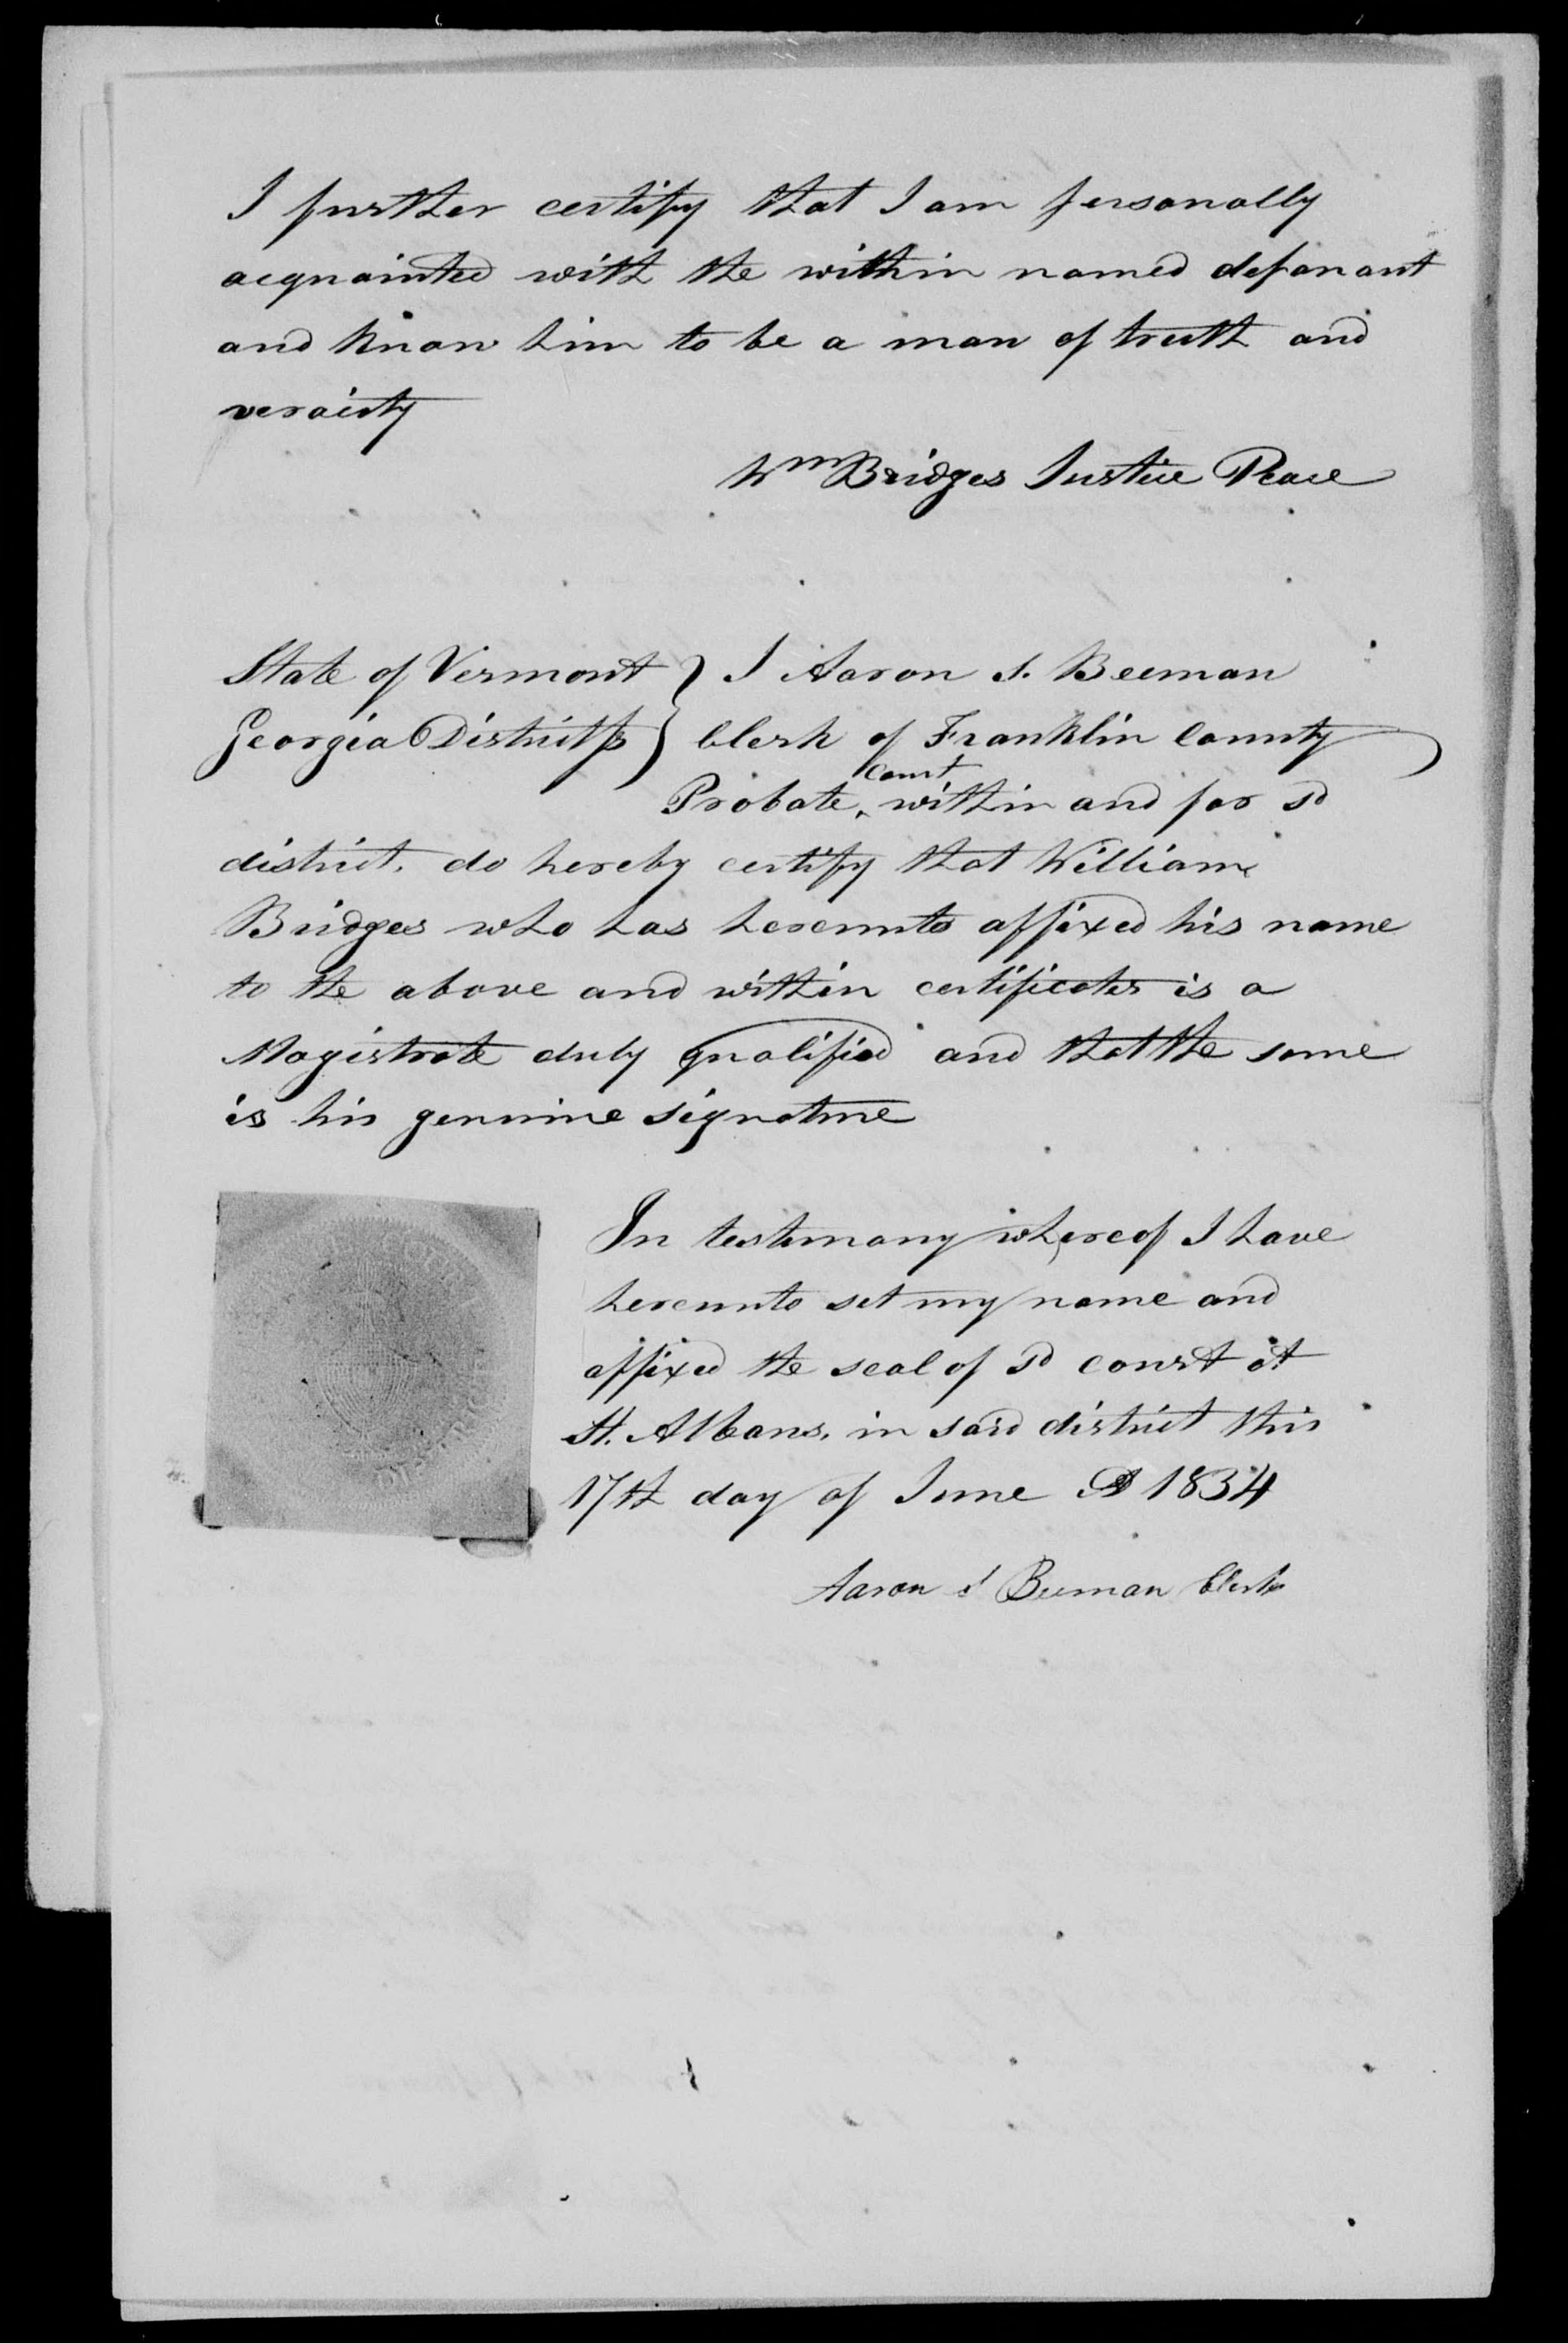I further certify that I am personally acquainted with the within named deponant and know him to be a man of truth and veracity

Wm Bridges Justice Peace

State of Vermont
Georgia District ss

I Aaron S. Beeman Clerk of Franklin County Probate ^Court within and for sd district, do hereby certify that William Bridges who has hereunto affixed his name to the above and writtin certificates is a Magistrate duly qualified and that the same is his genuine signature

[seal of the Georgia District Probate Court]

In testimony whereof I have hereunto set my name and affixed the seal of sd court of St. Albans, in said district this 17th day of June AD 1834

Aaron S Beeman Clerk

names: William Bridges, Wm Bridges, Aaron S Beeman, Aaron S Beeman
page: 48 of 72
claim: widow's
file: W. 7771, Stephen Holmes, Vt.